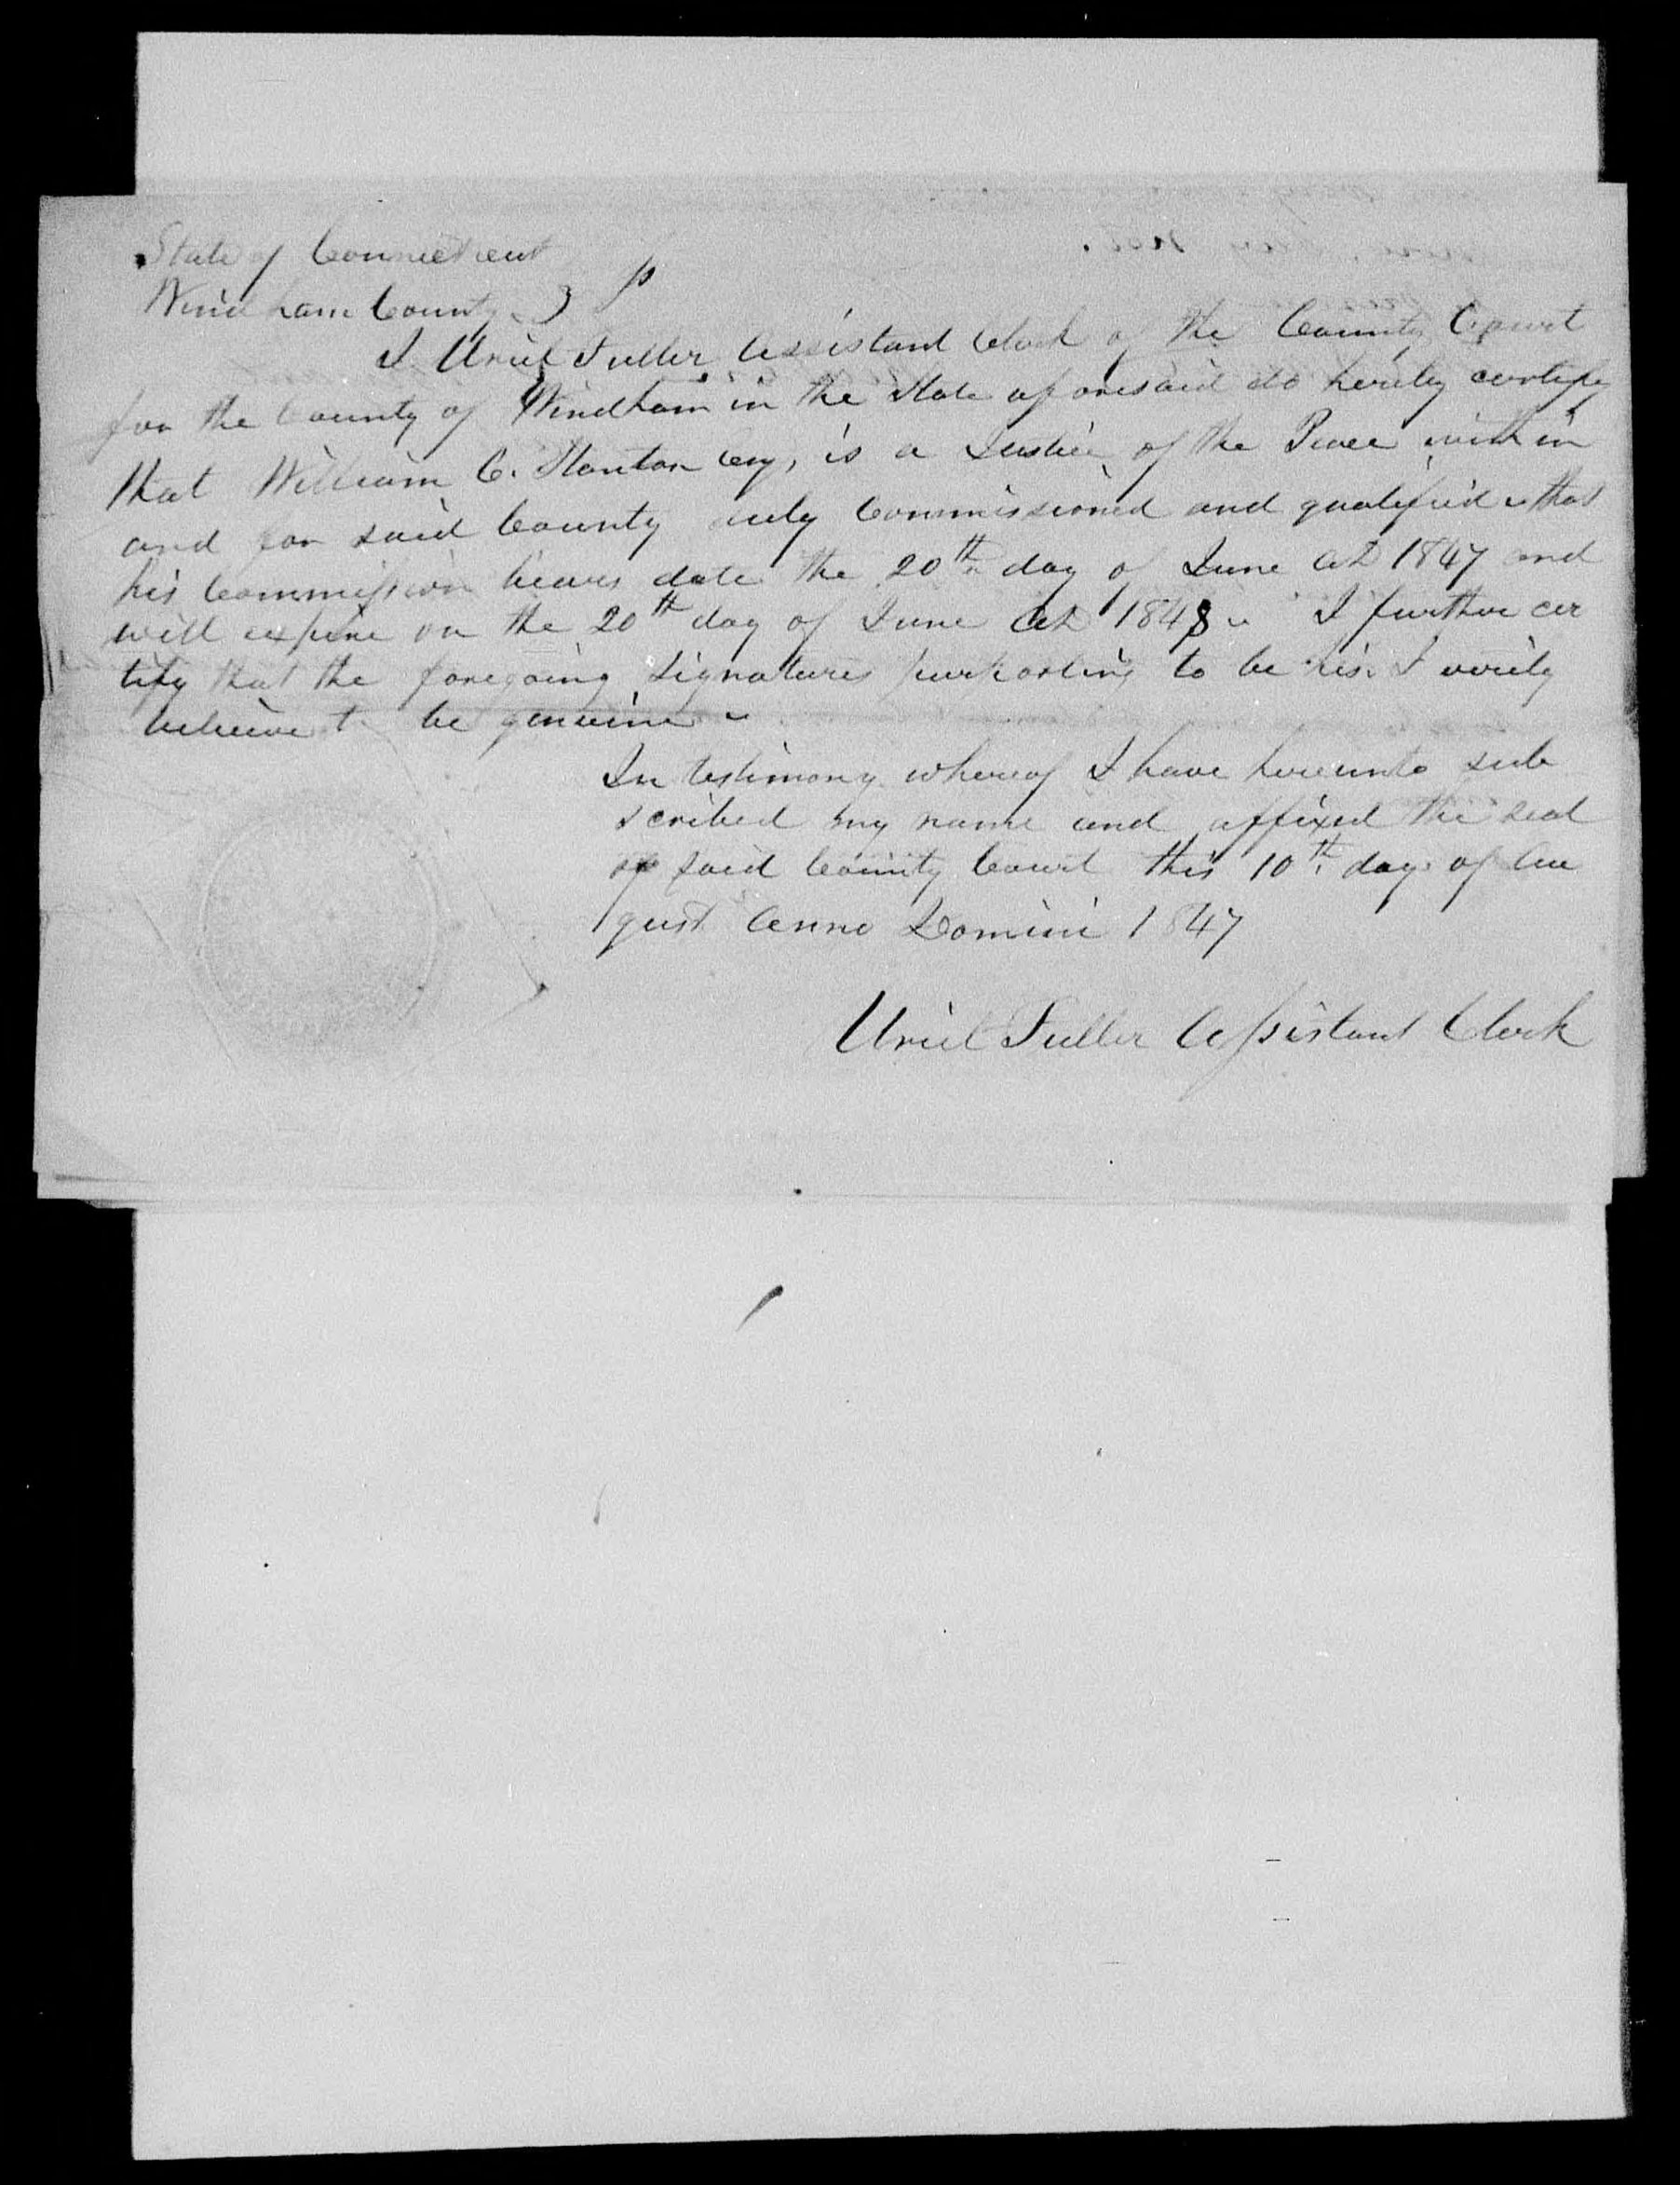State of Connecticut
Windham County
I Uriel Fuller, Assistant Clerk of County Court
for the County of Windham in the State aforesaid do hereby certify
that William C. Stanton Esq. is a Justice of the Peace within 
and for said County duly commissioned and qualified as that his commission bears date the 20th day of June AD 1847 and will expire on the 20th day of June AD 1848. I further certify that the foregoing signature purporting to be his I verily believe to be genuine. 
In testimony whereof I have hereunto subscribed my name and affixed the seal of said County Court this 10th day of August Anno Domini 1847
Uriel Fuller Assistant Clerk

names: Uriel Fuller, William C Stanton, Uriel Fuller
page: 20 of 40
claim: rejected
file: R. 4251, John Green, Conn.